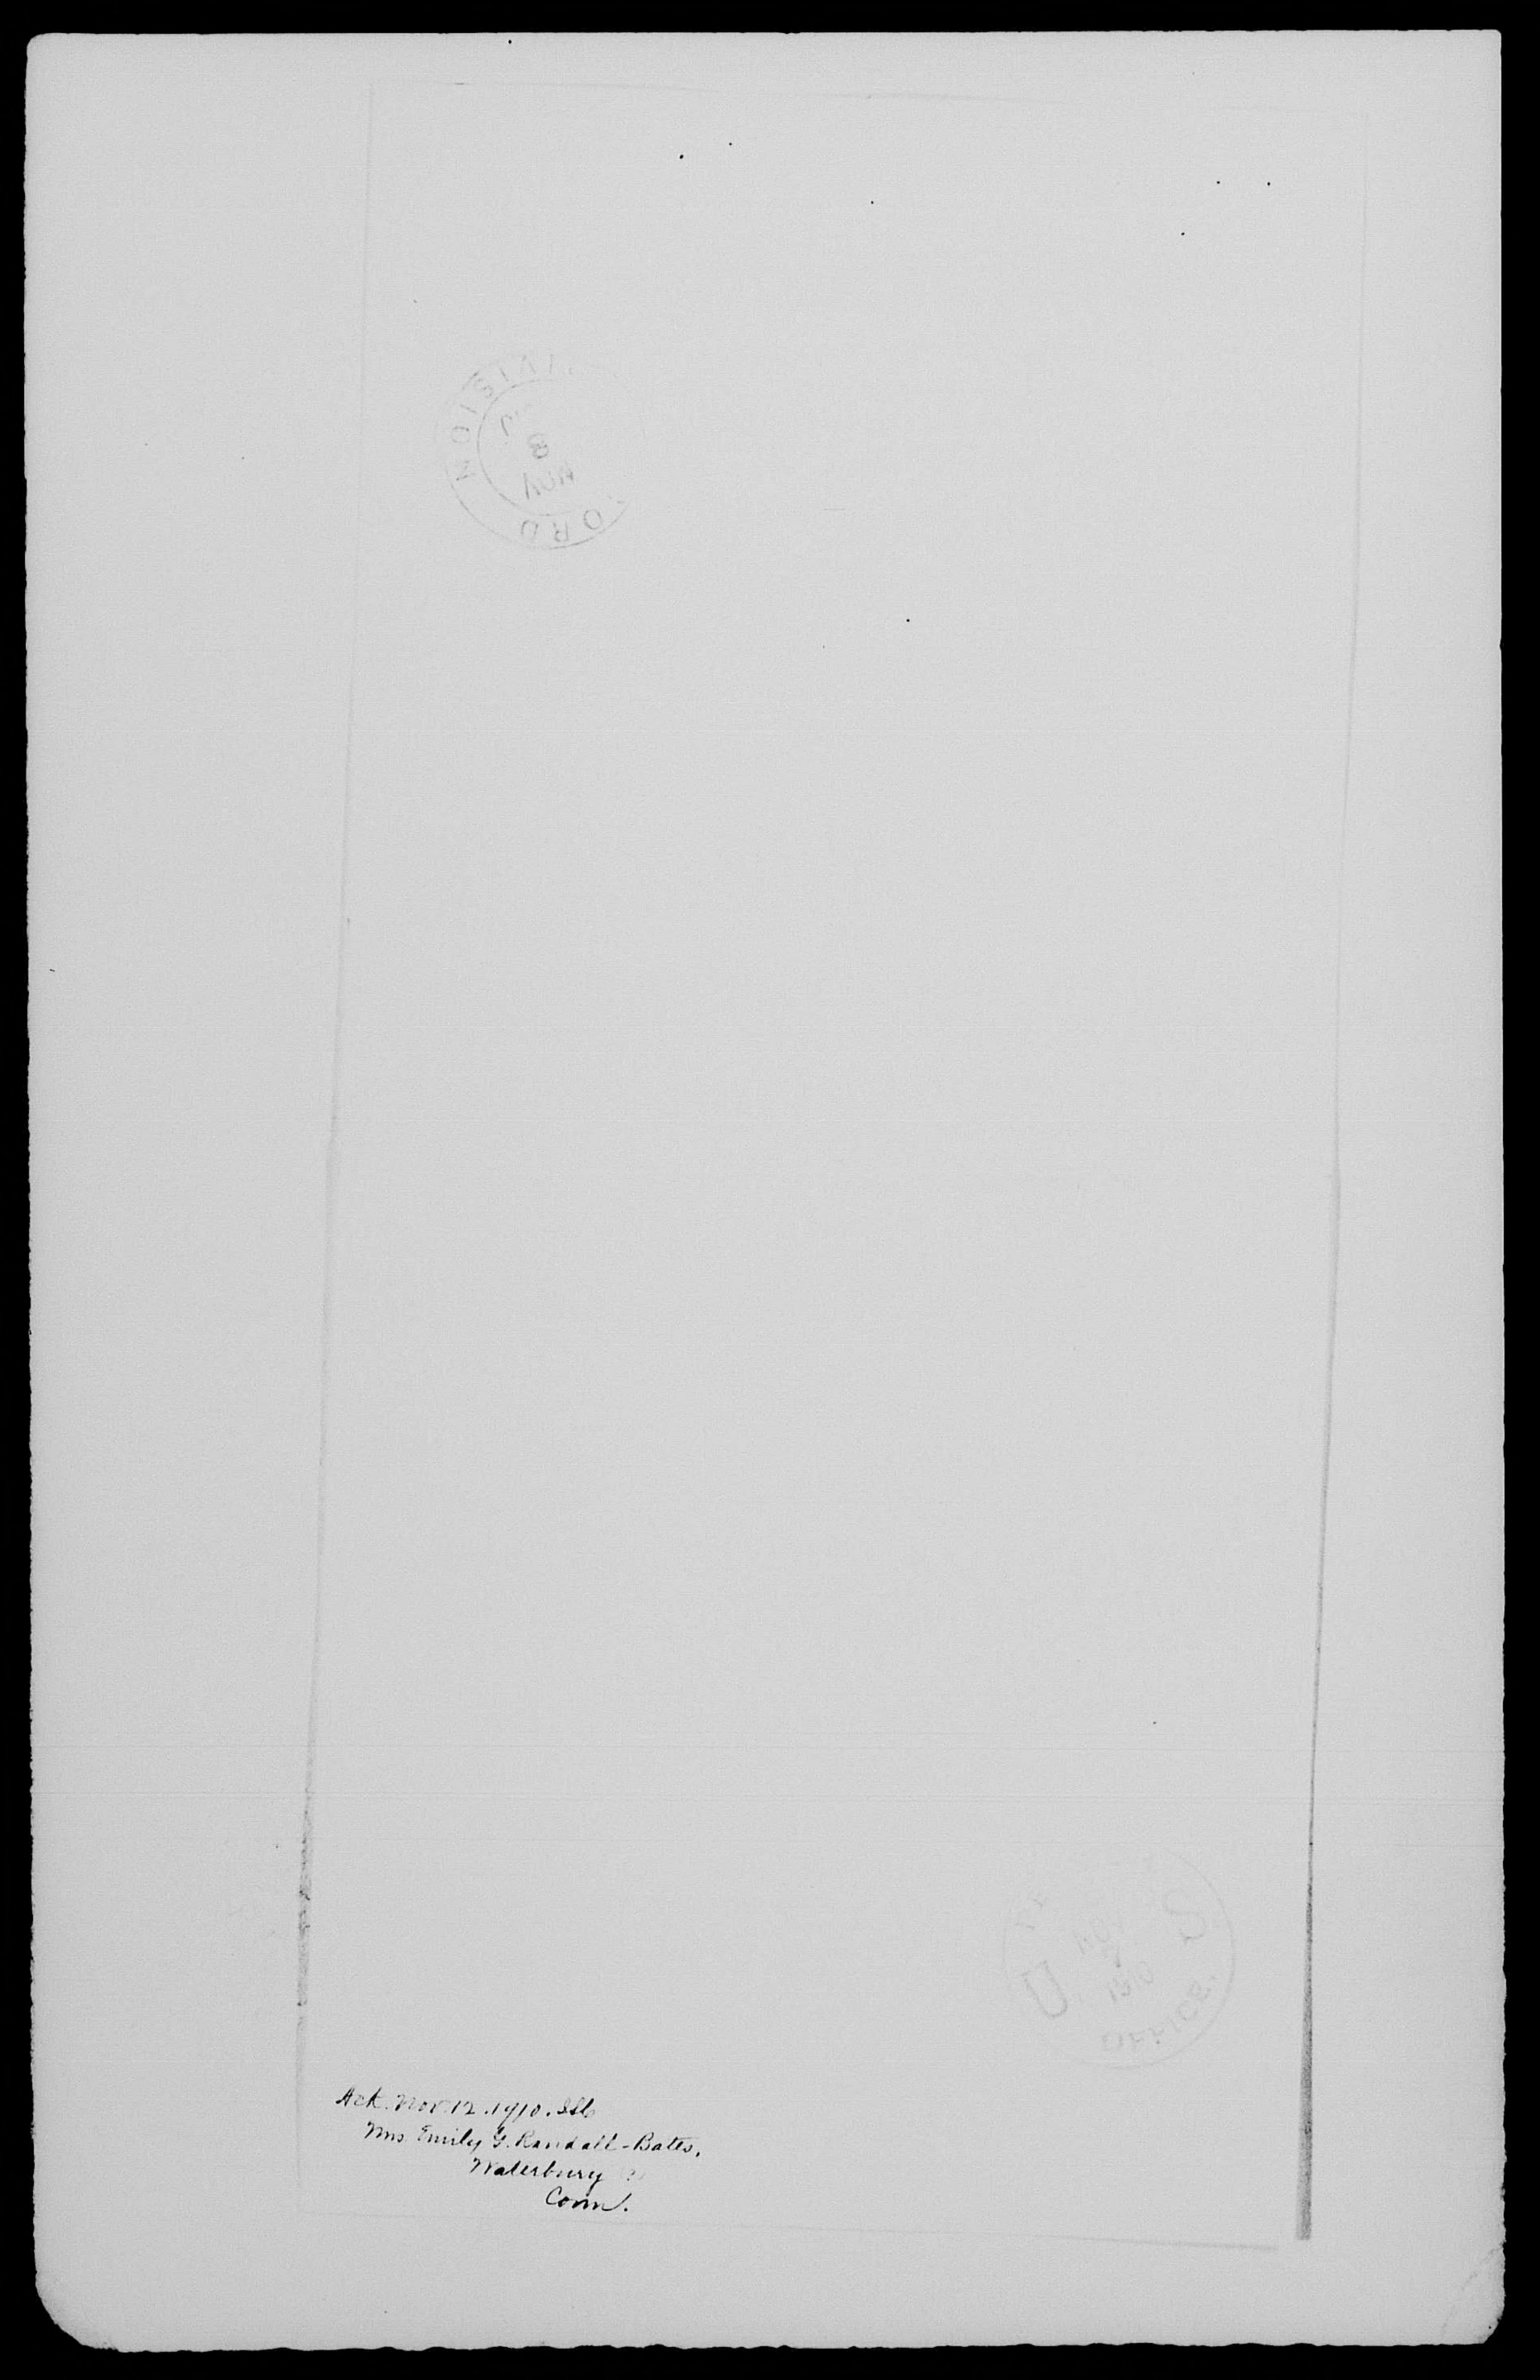[U.S. Pension Office stamp NOV 7, 1910]

Ack. Nov. 12, 1910, Ill 
Mrs Emily G. Randall Bates 
Waterbury Conn.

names: Emily G Randall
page: 32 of 45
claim: survivor's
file: S. 15748, Elihu Benham, Conn.